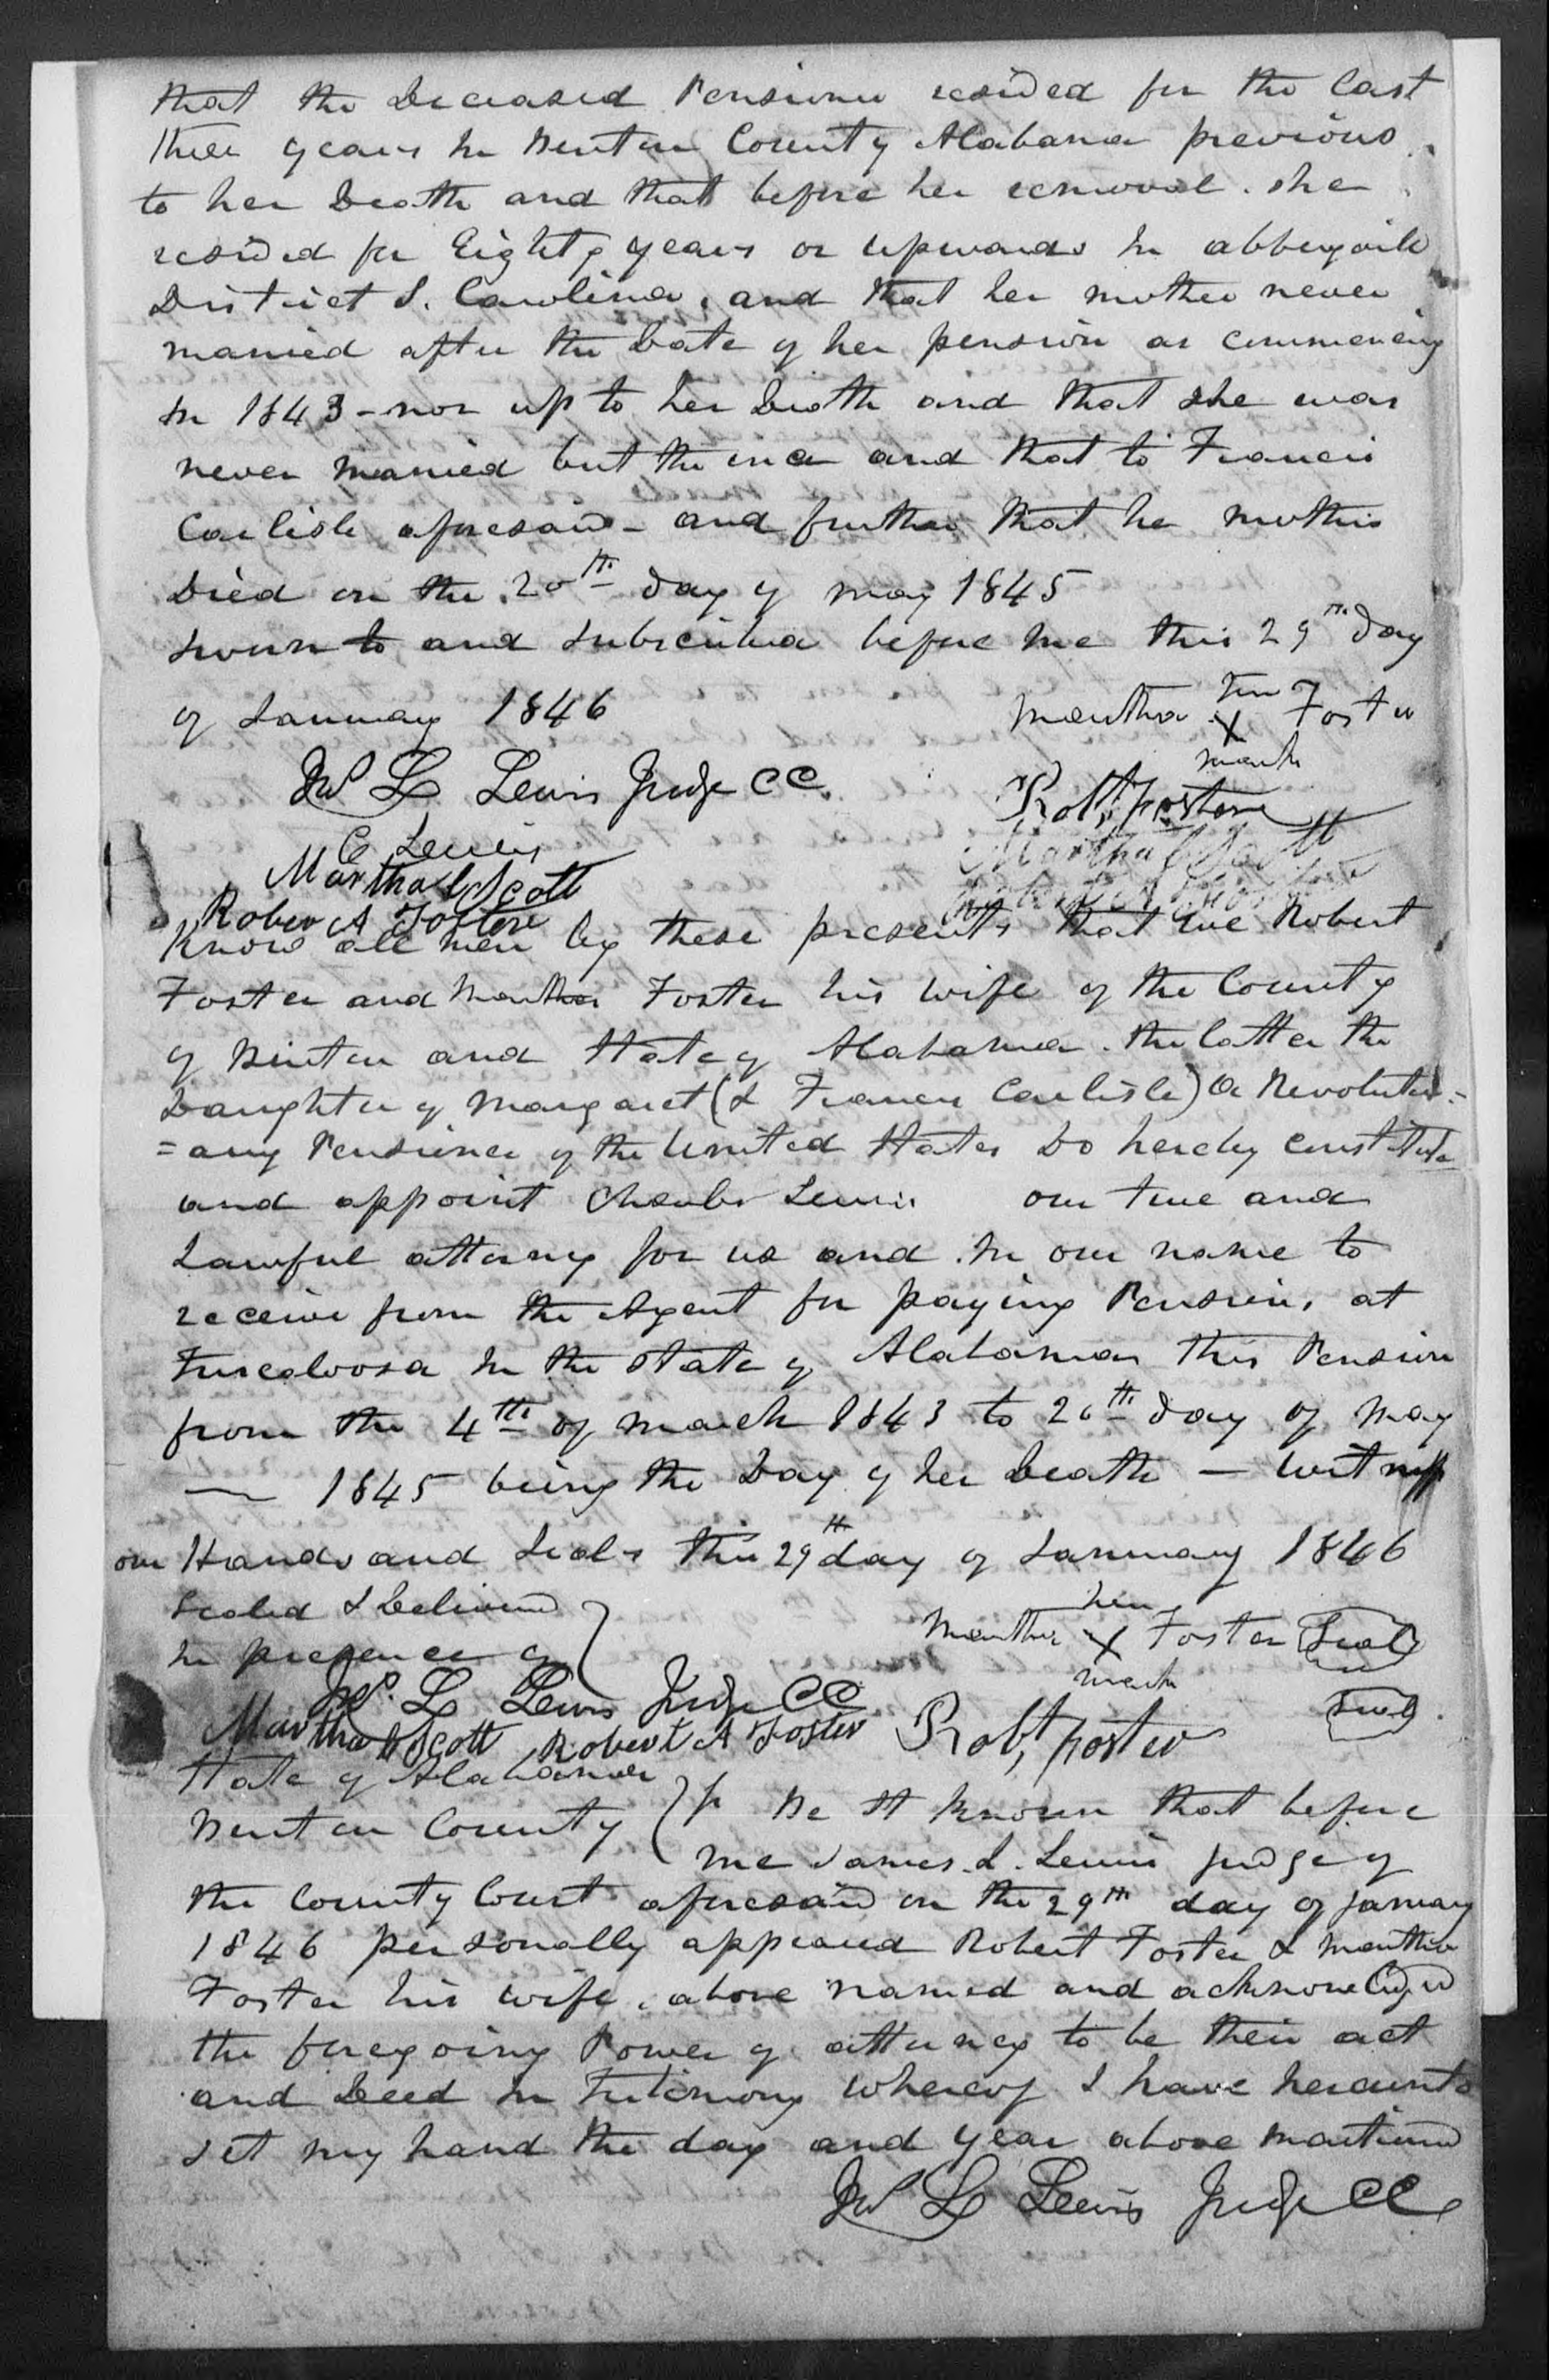that the deceased pensioner resided for the last three years in Benton County Alabama previous
to her death and that before her removal she resided for Eight years or upwards In Abbeville
District S. Carolina, and that her mother never married after the date of her pension as commencing
in 1843, - nor up to her death and that she was never married but the once and that to Francis
Carlisle aforesaid, and further that her mother died on the 20th day of May 1845
[signed] Margaret X Foster her mark
Robert Foster
Sworn to and subscribed before me this 29th day of January 1846
J L Lewis Judge
C Lewis
Martha Scott

Know all men by these presents that we Robert Foster and Martha Foster his wife of the County
of Benton and State of Alabama the latter the Daughter of Margaret & Francis Carlisle on Revolutionary pension of the United States do hereby constitute and appoint Charles Lewis our true and lawful attorney for us and in our name to receive from the Agent for paying Pension, at Tuscaloosa in the State of Alabama this Pension from the 4th of March 1843 to 20th day of May
1845 being the day of her death-- witness my Hand and seal this 29 day of January 1846
Martha X Foster her mark
Robert Foster
Sealed & delivered In presence of
Jno L Lewis Judge CC
Martha Scott
Robert A Foster

State of Alabama
Burton County
Be it known that before me James D Lewis Judge of the County Court aforesaid on the 29th day of January 1846 personally appeared Robert Foster & Martha Foster his wife above named and acknowledged the foregoing power of attorney to be their act and deed In Testimony whereof I have hereunto set my hand the day and year above mentioned
J L Lewis Judge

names: Martha C Scott, Francis Carlisle, Martha Foster, Robt Foster, C Lewis, Martha C Scott, Jas L Lewis, Robert Foster, Francis Carlisle, Robert A Foster, Jas L Lewis, Martha C Scott, Jas L Lewis, Robert Foster, Rober A Foster, Charles Lewis, Rober A Foster, Martha Foster, James L Lewis, Martha Foster, Martha Foster, Margaret Carlisle, Robt Foster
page: 11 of 91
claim: widow's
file: W. 10576, Francis Carlisle, S.C.